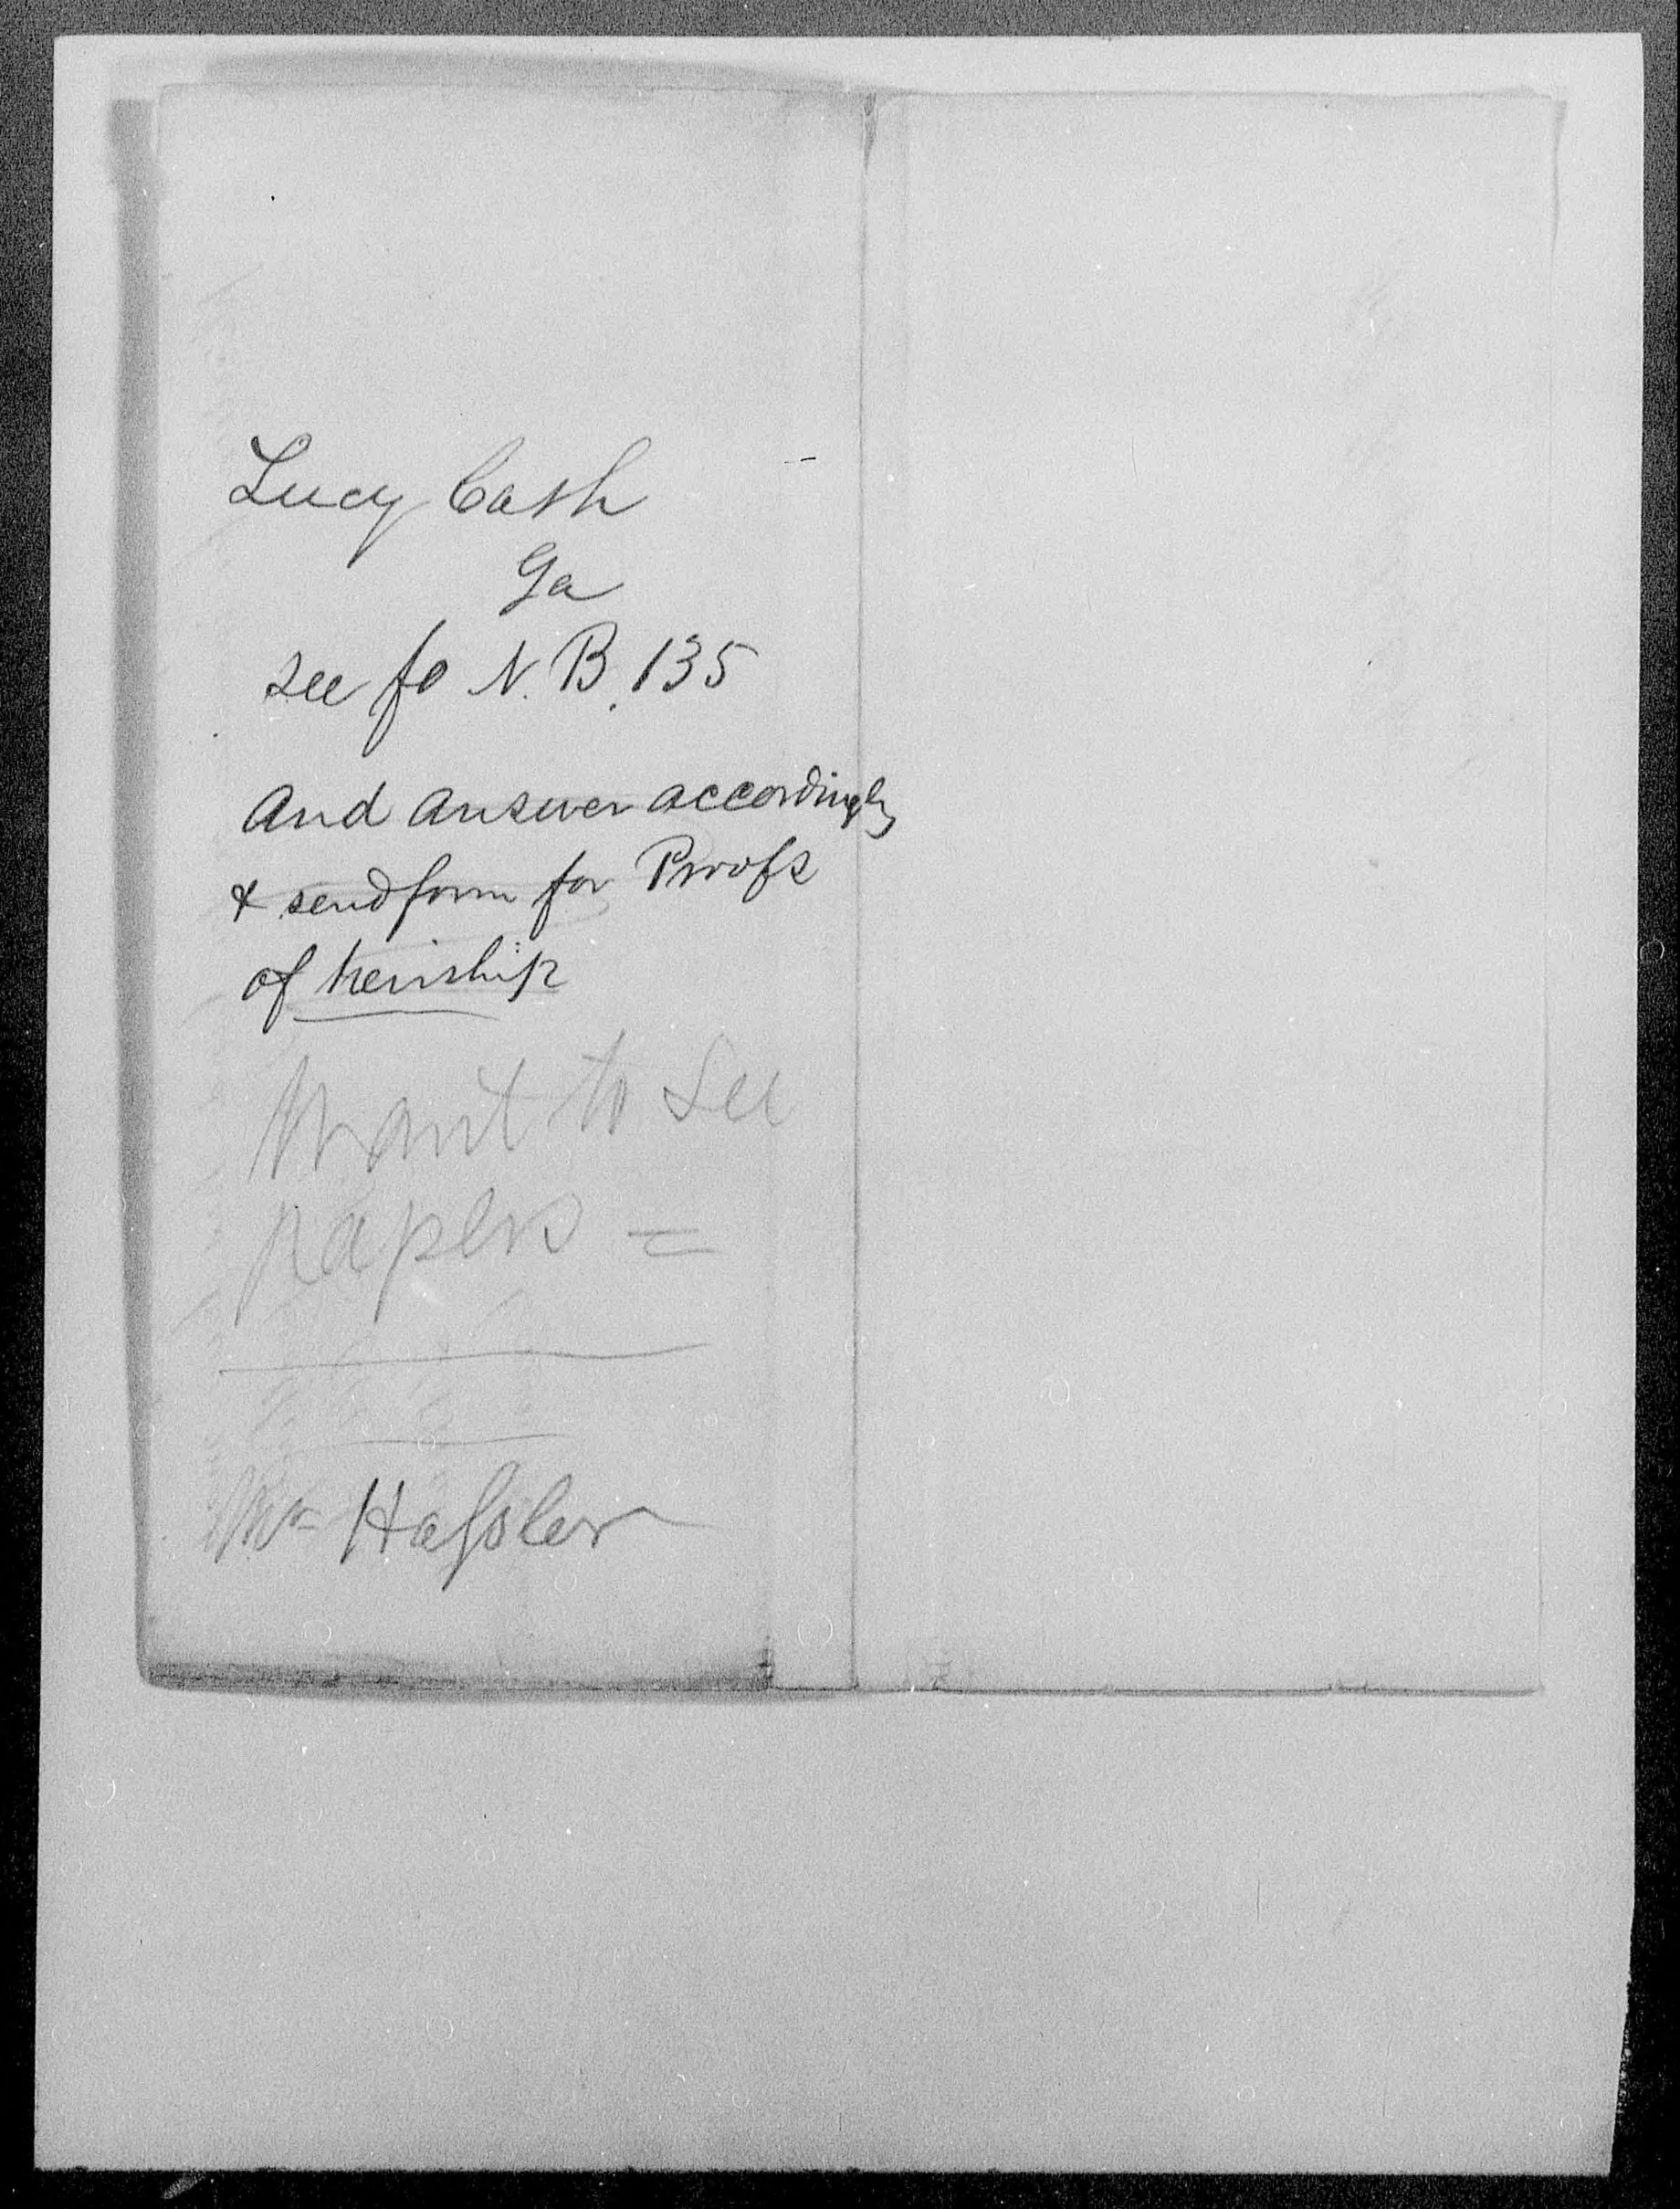Lucy Cash
Ga
see for N.B. 135
and answer accordingly
& send form for Proofs
of heirship
want to see
papers-
Mr. Hassler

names: Lucy Cash, Hassler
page: 35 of 73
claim: widow's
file: W. 5,894, John Cash, Va.